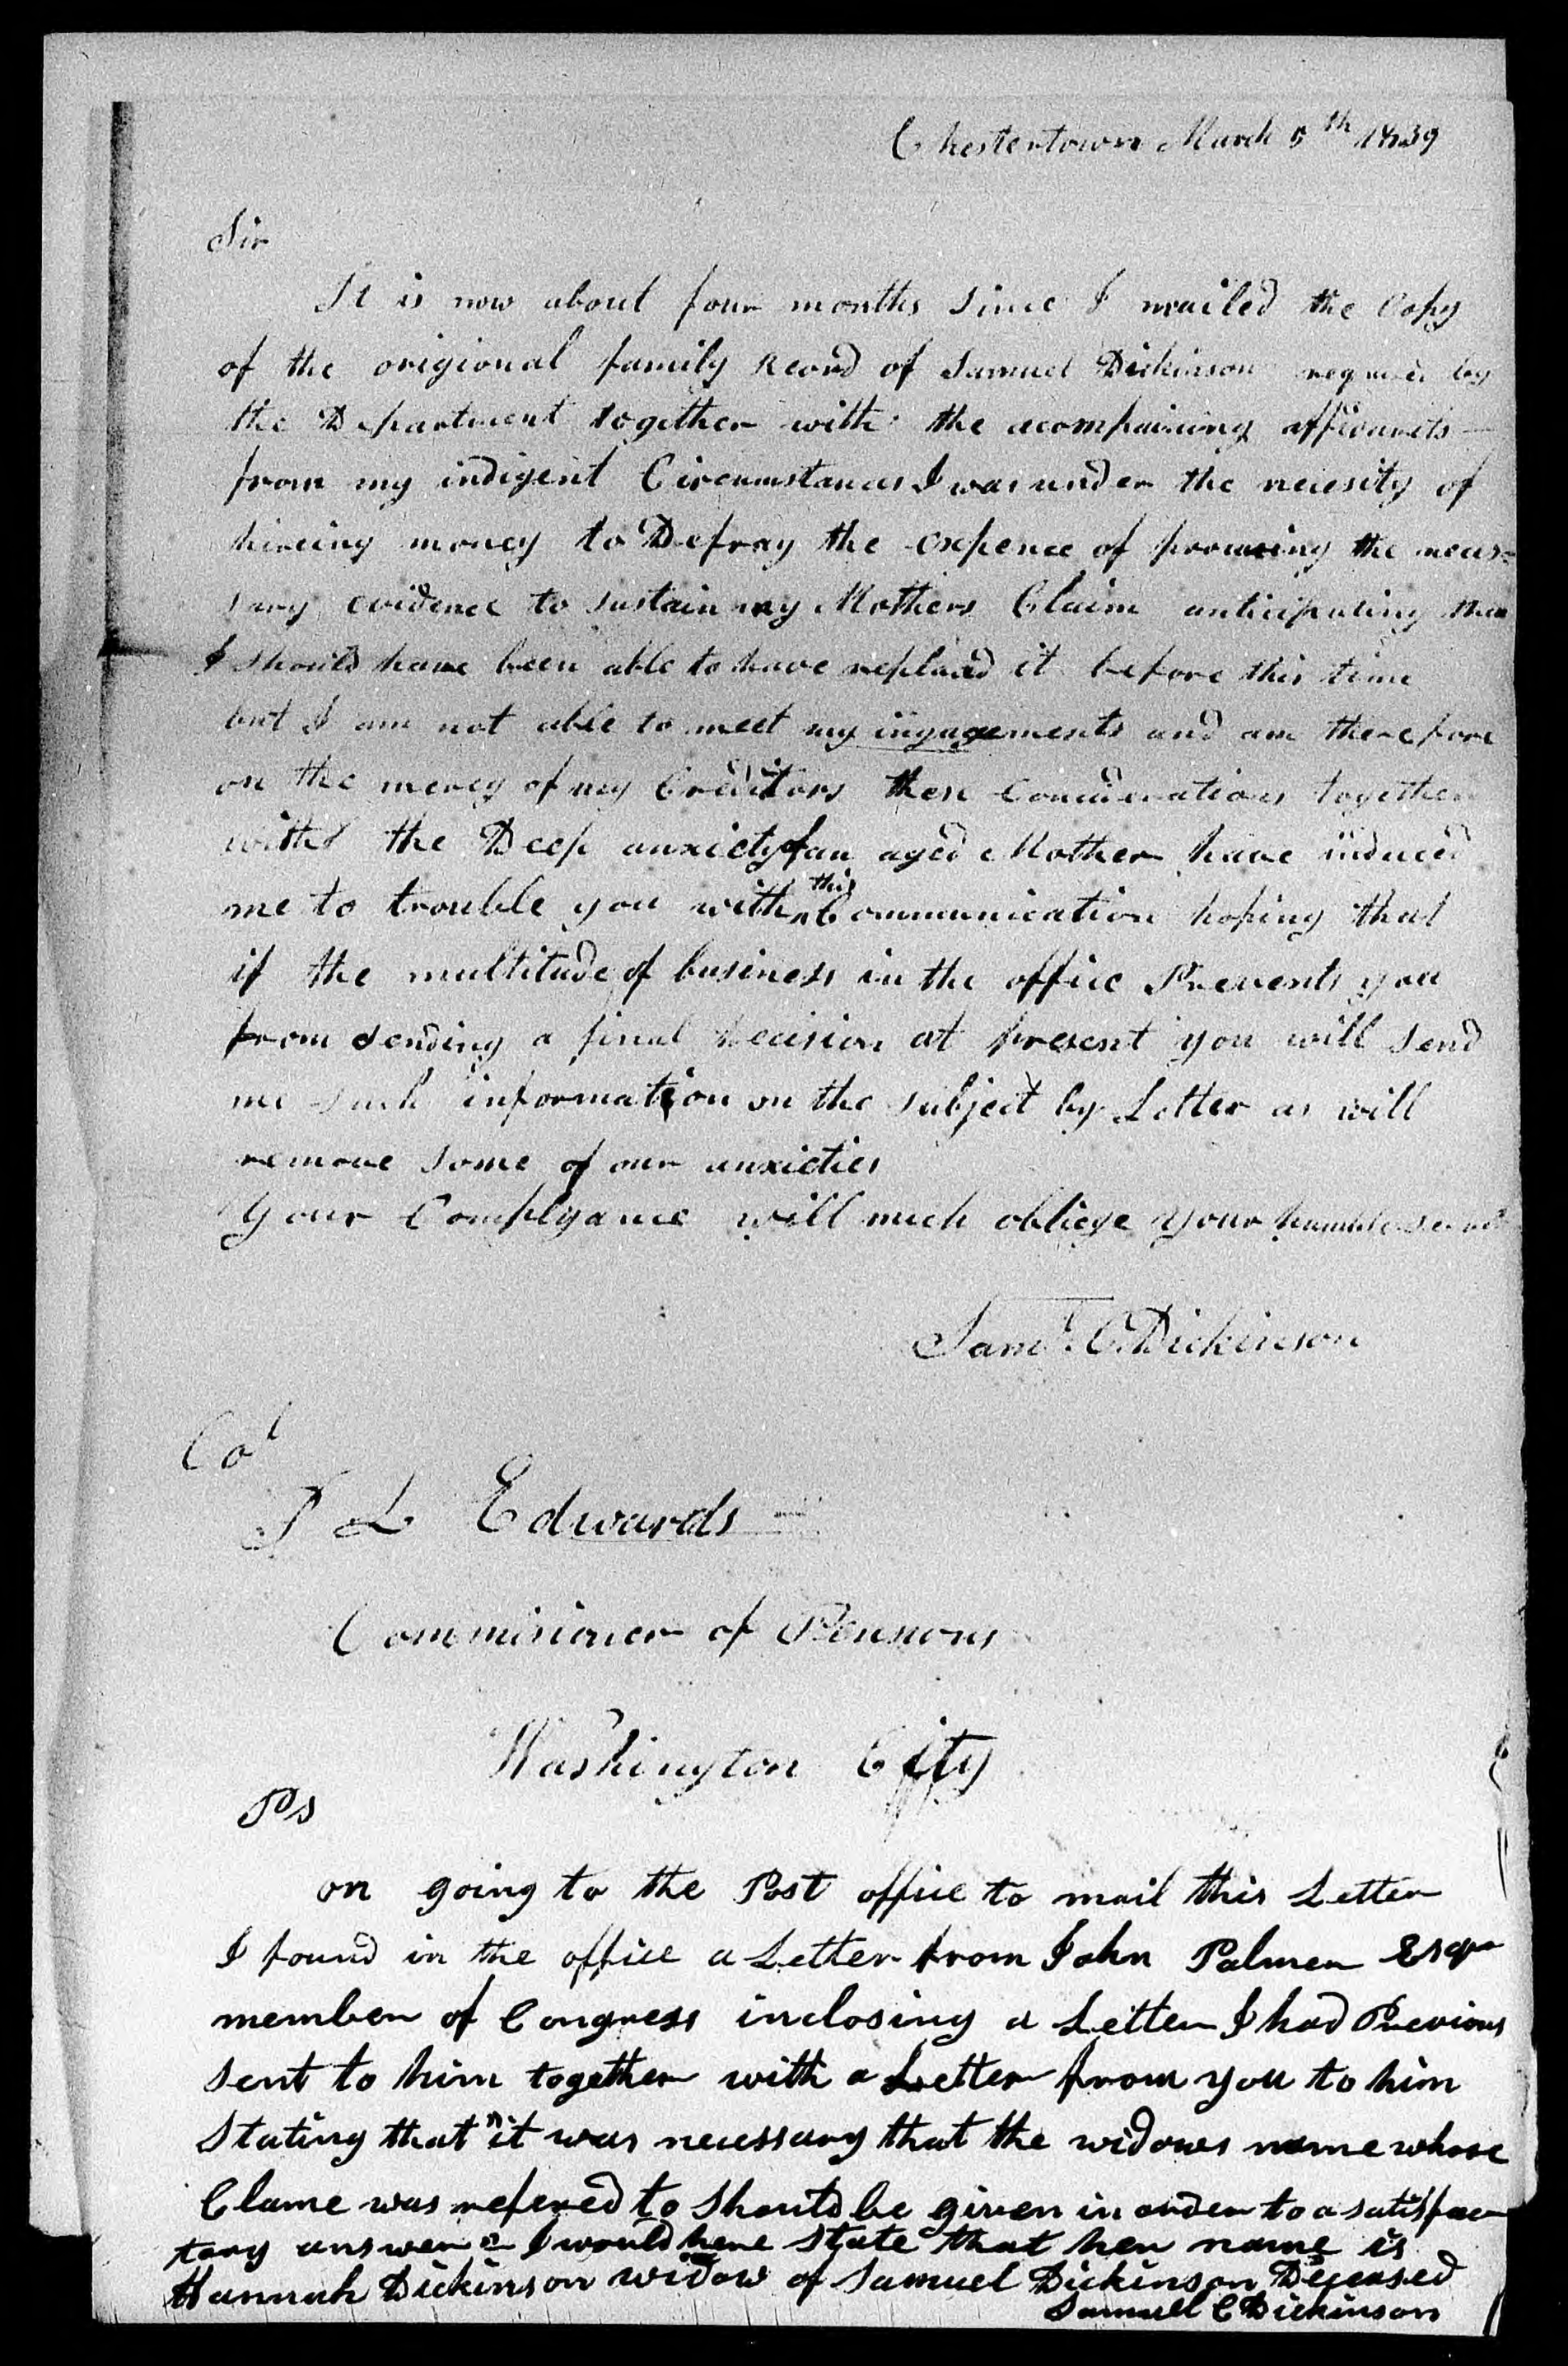Chestertown March 5th 1839
Sir
It is now about four months since I mailed the copy of the original family record of Samuel Dickinson required by the Department together with the accompanying affidavits - from my indigent circumstances I was under the necessity of [illegible] money to defray the expense of processing the necessary evidence to sustain my Mothers claim and anticipating that I should have been able to have replaced it before this time but I am not able to meet my ingagements and am therefore on the mercy of my creditors  their consideration together with the deep anxiety of an aged mother have induced me to trouble you with this communication hoping that if the multitude of business in the office prevents you from sending a final decision at present you send me such information on the subject by letter as it will remove some of our anxieties.
Your compliance will much oblige your humble servant
Saml C. Dickinson
Col. J.L. Edwards
Commissioner of Pensions
Washington City
Ps
on going to the post office to mail this letter I found in the office a letter from John Palmer Esq member of Congress inclosing a letter I had previous sent to him together with a letter from you to him stating that it was necessary that the widows name whose claim was refered to should be given in order to satisfactarily answer and I would have state that her name is Hannah Dickinson widow of Samuel Dickinson deceased.
Samuel E Dickinson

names: Samuel Dickinson, Hannah Dickinson, John Palmer, Samuel Dickinson, Saml C Dickinson, Samuel C Dickinson, J L Edwards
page: 32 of 60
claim: widow's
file: W 16,955, Samuel Dickinson, Conn.